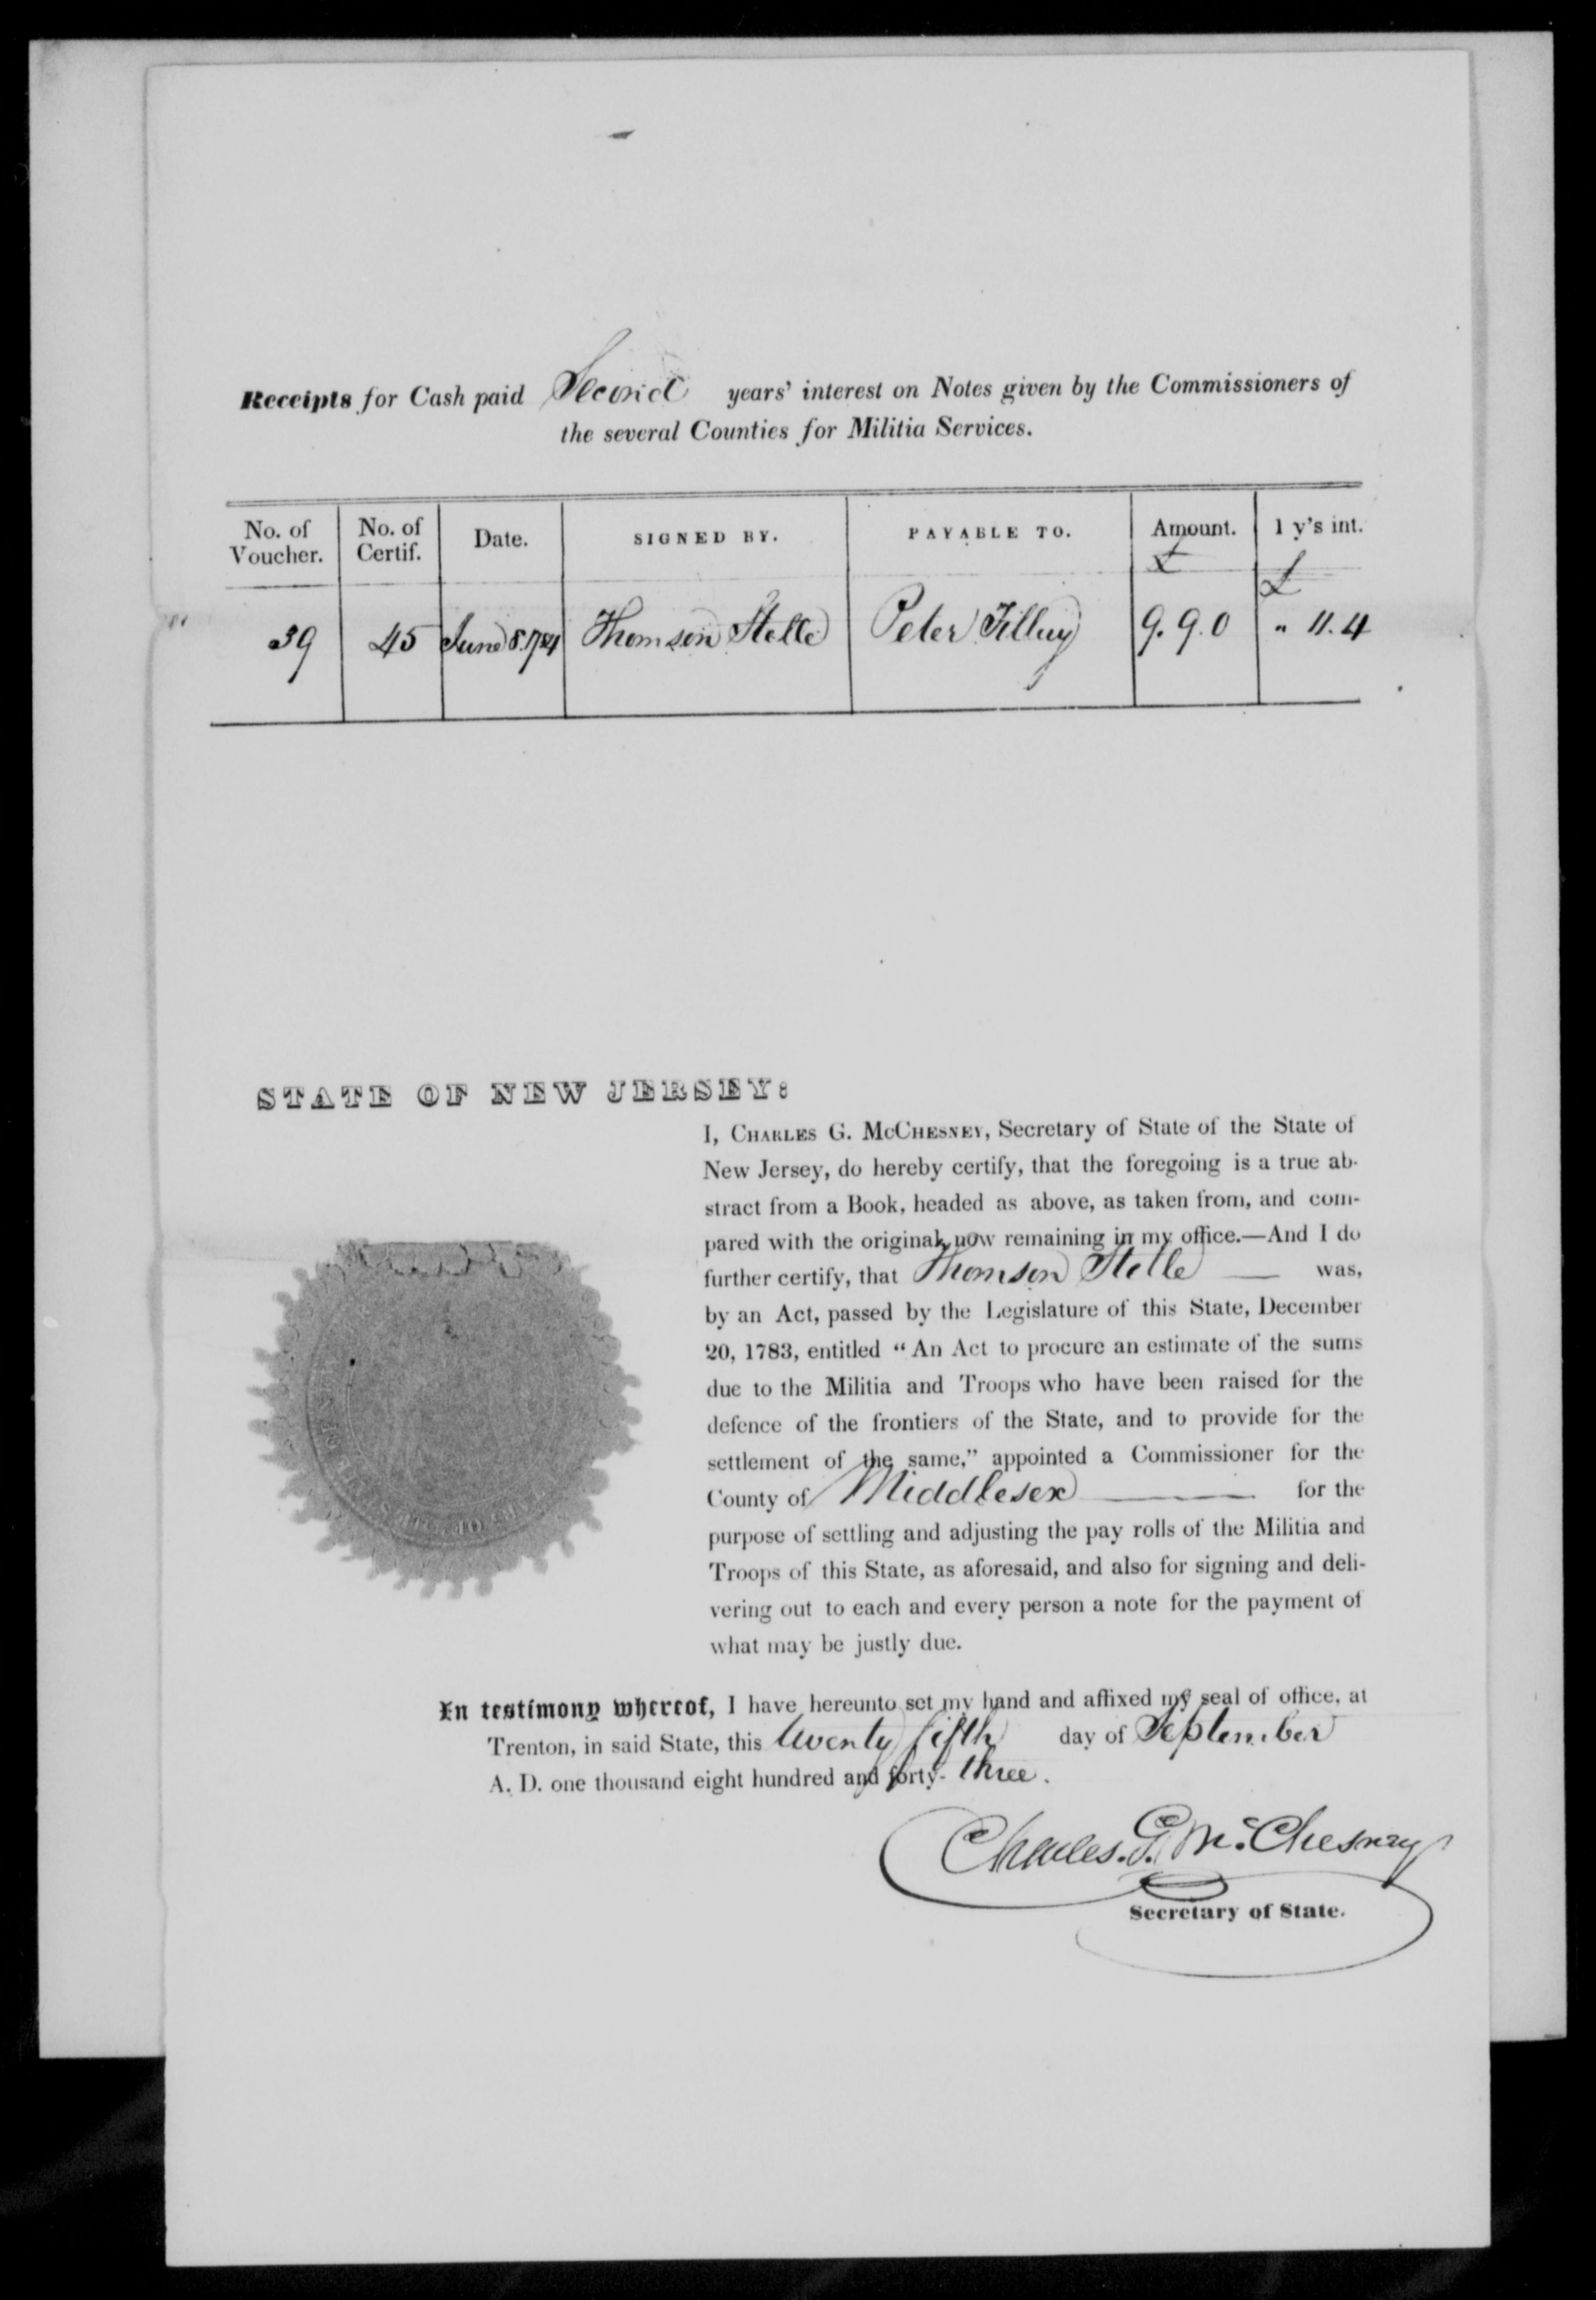Receipts for Cash paid Second years' interest on Notes given by the Commissioners of

[chart]
No. of
Voucher.
3
No. of
Certif.
45
Date.
June 8 1784 
SIGNED BY.
Thomson Stelle
PAYABLE TO
Petter Tilly
Amount.
9.9.0
ly's int.
L 11.4

State of New Jersey
I, CHARLES G. McCHESNEY, Secretary of State of the State of
New Jersey, do hereby certify, that the foregoing is a true abstract
from a Book, headed as above, as taken from, and compared
with the original now remaining in my office.--And I do
further certify, that Thomson title was
by an Act passed by the Legislature of this State, December
20, 1783, entitled ""An Act to procure an estimate of the sums
due to the Militia and Troops who have been raised for the
defence of the frontiers of the State, and to provide for the
settlement of the same, appointed a Commissioner for the
County of Middlesex for the
purpose of settling and adjusting the pay rolls of the Militia and
Troops of this State, as aforesaid, and also for signing and delivering
out to each and every person a note for the payment of
what may be justly due.

In testimony whereof, I have hereunto set my hand and affixed my seal of office, at
Trenton, in said State, this twenty fifth day of September
A. D. one thousand eight hundred and forty three
Charles G. M. Chesney
secretary of State.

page: 55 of 101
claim: widow's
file: W. 25481, for Peter V Tilyou, New Jersey